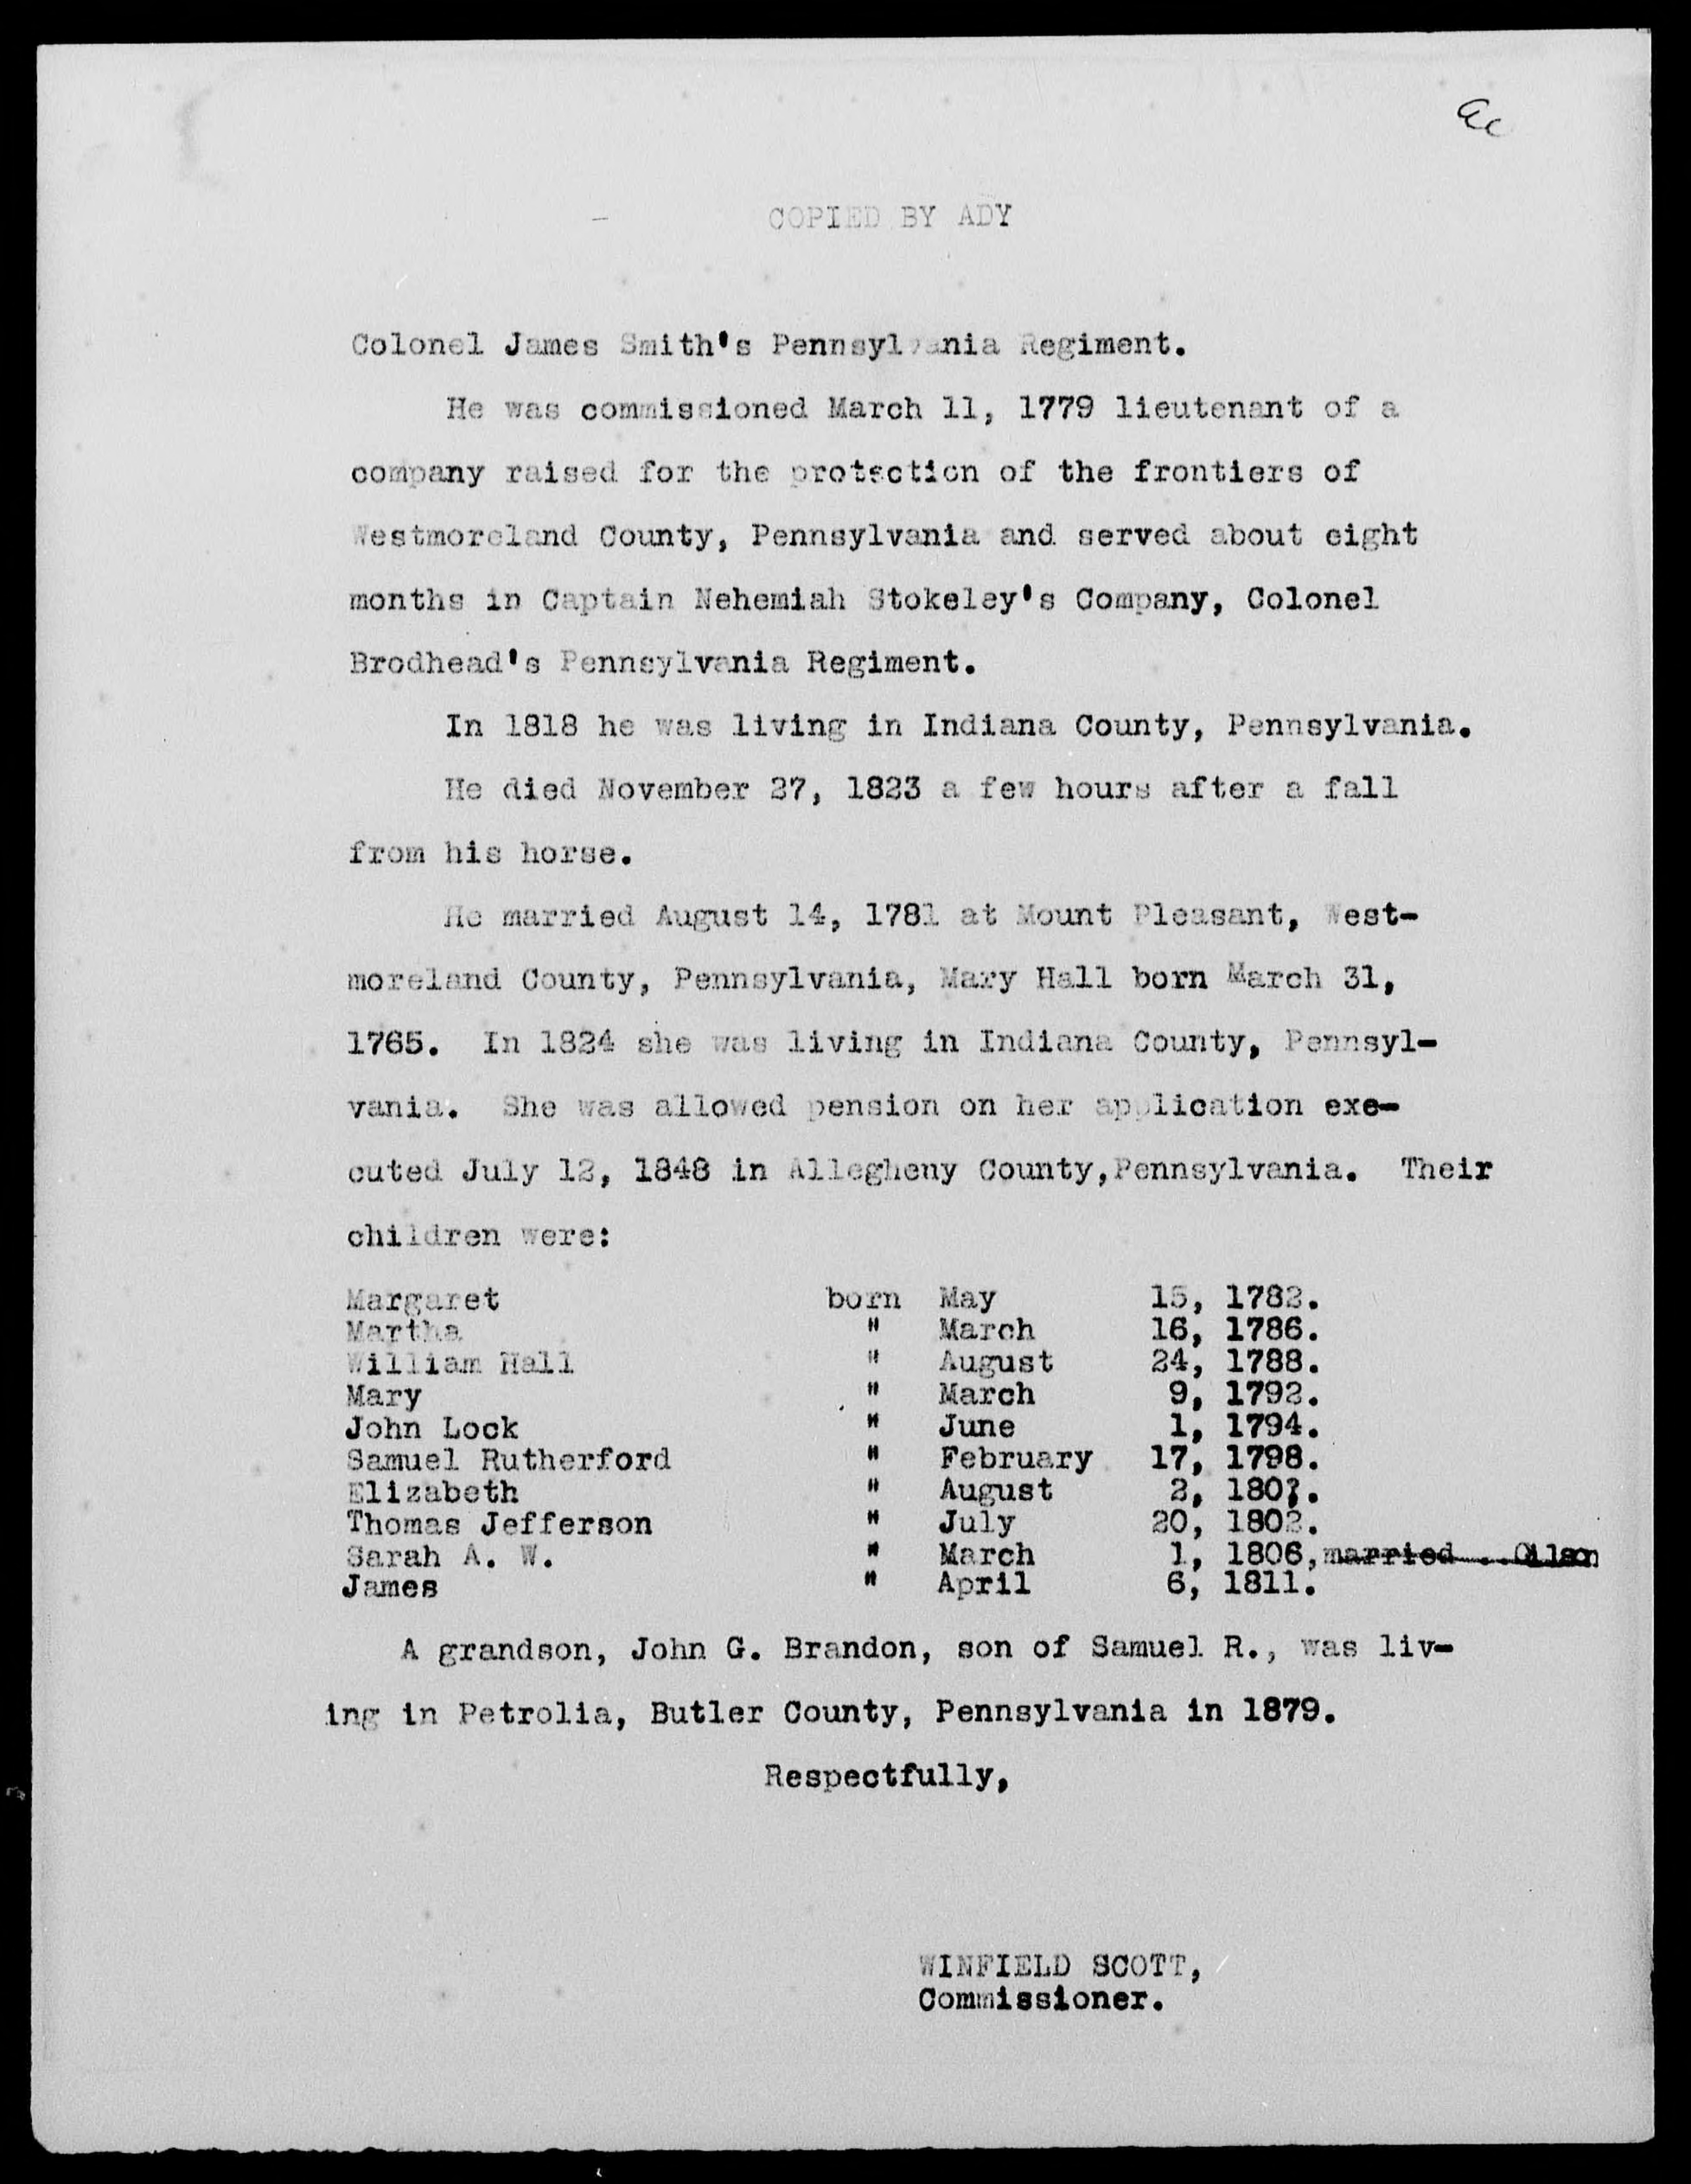[pg 2 of 2]

COPIED BY ADY

Colonel James Smith's Pennsylvania Regiment.
He was commissioned March 11, 1779 lieutenant of a company raised for the protection of the frontiers of Westmoreland County, Pennsylvania and served about eight months in Captain Nehemiah Stokeley's Company, Colonel Brodhead's Pennsylvania Regiment.
In 1818 he was living in Indiana County, Pennsylvania.
He died November 27, 1823 a few hours after a fall from his horse.
He married August 14, 1781 at Mount Pleasant, Westmoreland County, Pennsylvania, Mary Hall born March 31, 1765. In 1824 she was living in Indiana County, Pennsylvania. She was allowed pension on her application executed July 12, 1848 in Allegheny County, Pennsylvania. Their children were:
Margaret born May 15, 1782.
Martha " March 16, 1786.
William Hall " August 24, 1788.
Mary " March 9, 1792.
John Lock " June 1, 1794.
Samuel Rutherford " February 17, 1798.
Elizabeth " August 2, 1801.
Thomas Jefferson " July 20, 1802.
Sarah A. W. " March 1, 1806
James " April 6, 1811.
A grandson, John G. Brandon, son of Samuel R., was living in Petrolia, Butler County, Pennsylvania in 1879.
Respectfully,

WINFIELD SCOTT,
Commissioner.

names: James, Sarah A W, John G Brandon, Thomas Jefferson, Samuel Rutherford, Samuel R, Winfield Scott, Mary, Mary Hall, Margaret, Elizabeth, James Smith, Brodhead, John Lock, William Hall, Martha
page: 80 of 83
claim: widow's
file: W. 5946, John Brandon, Penn